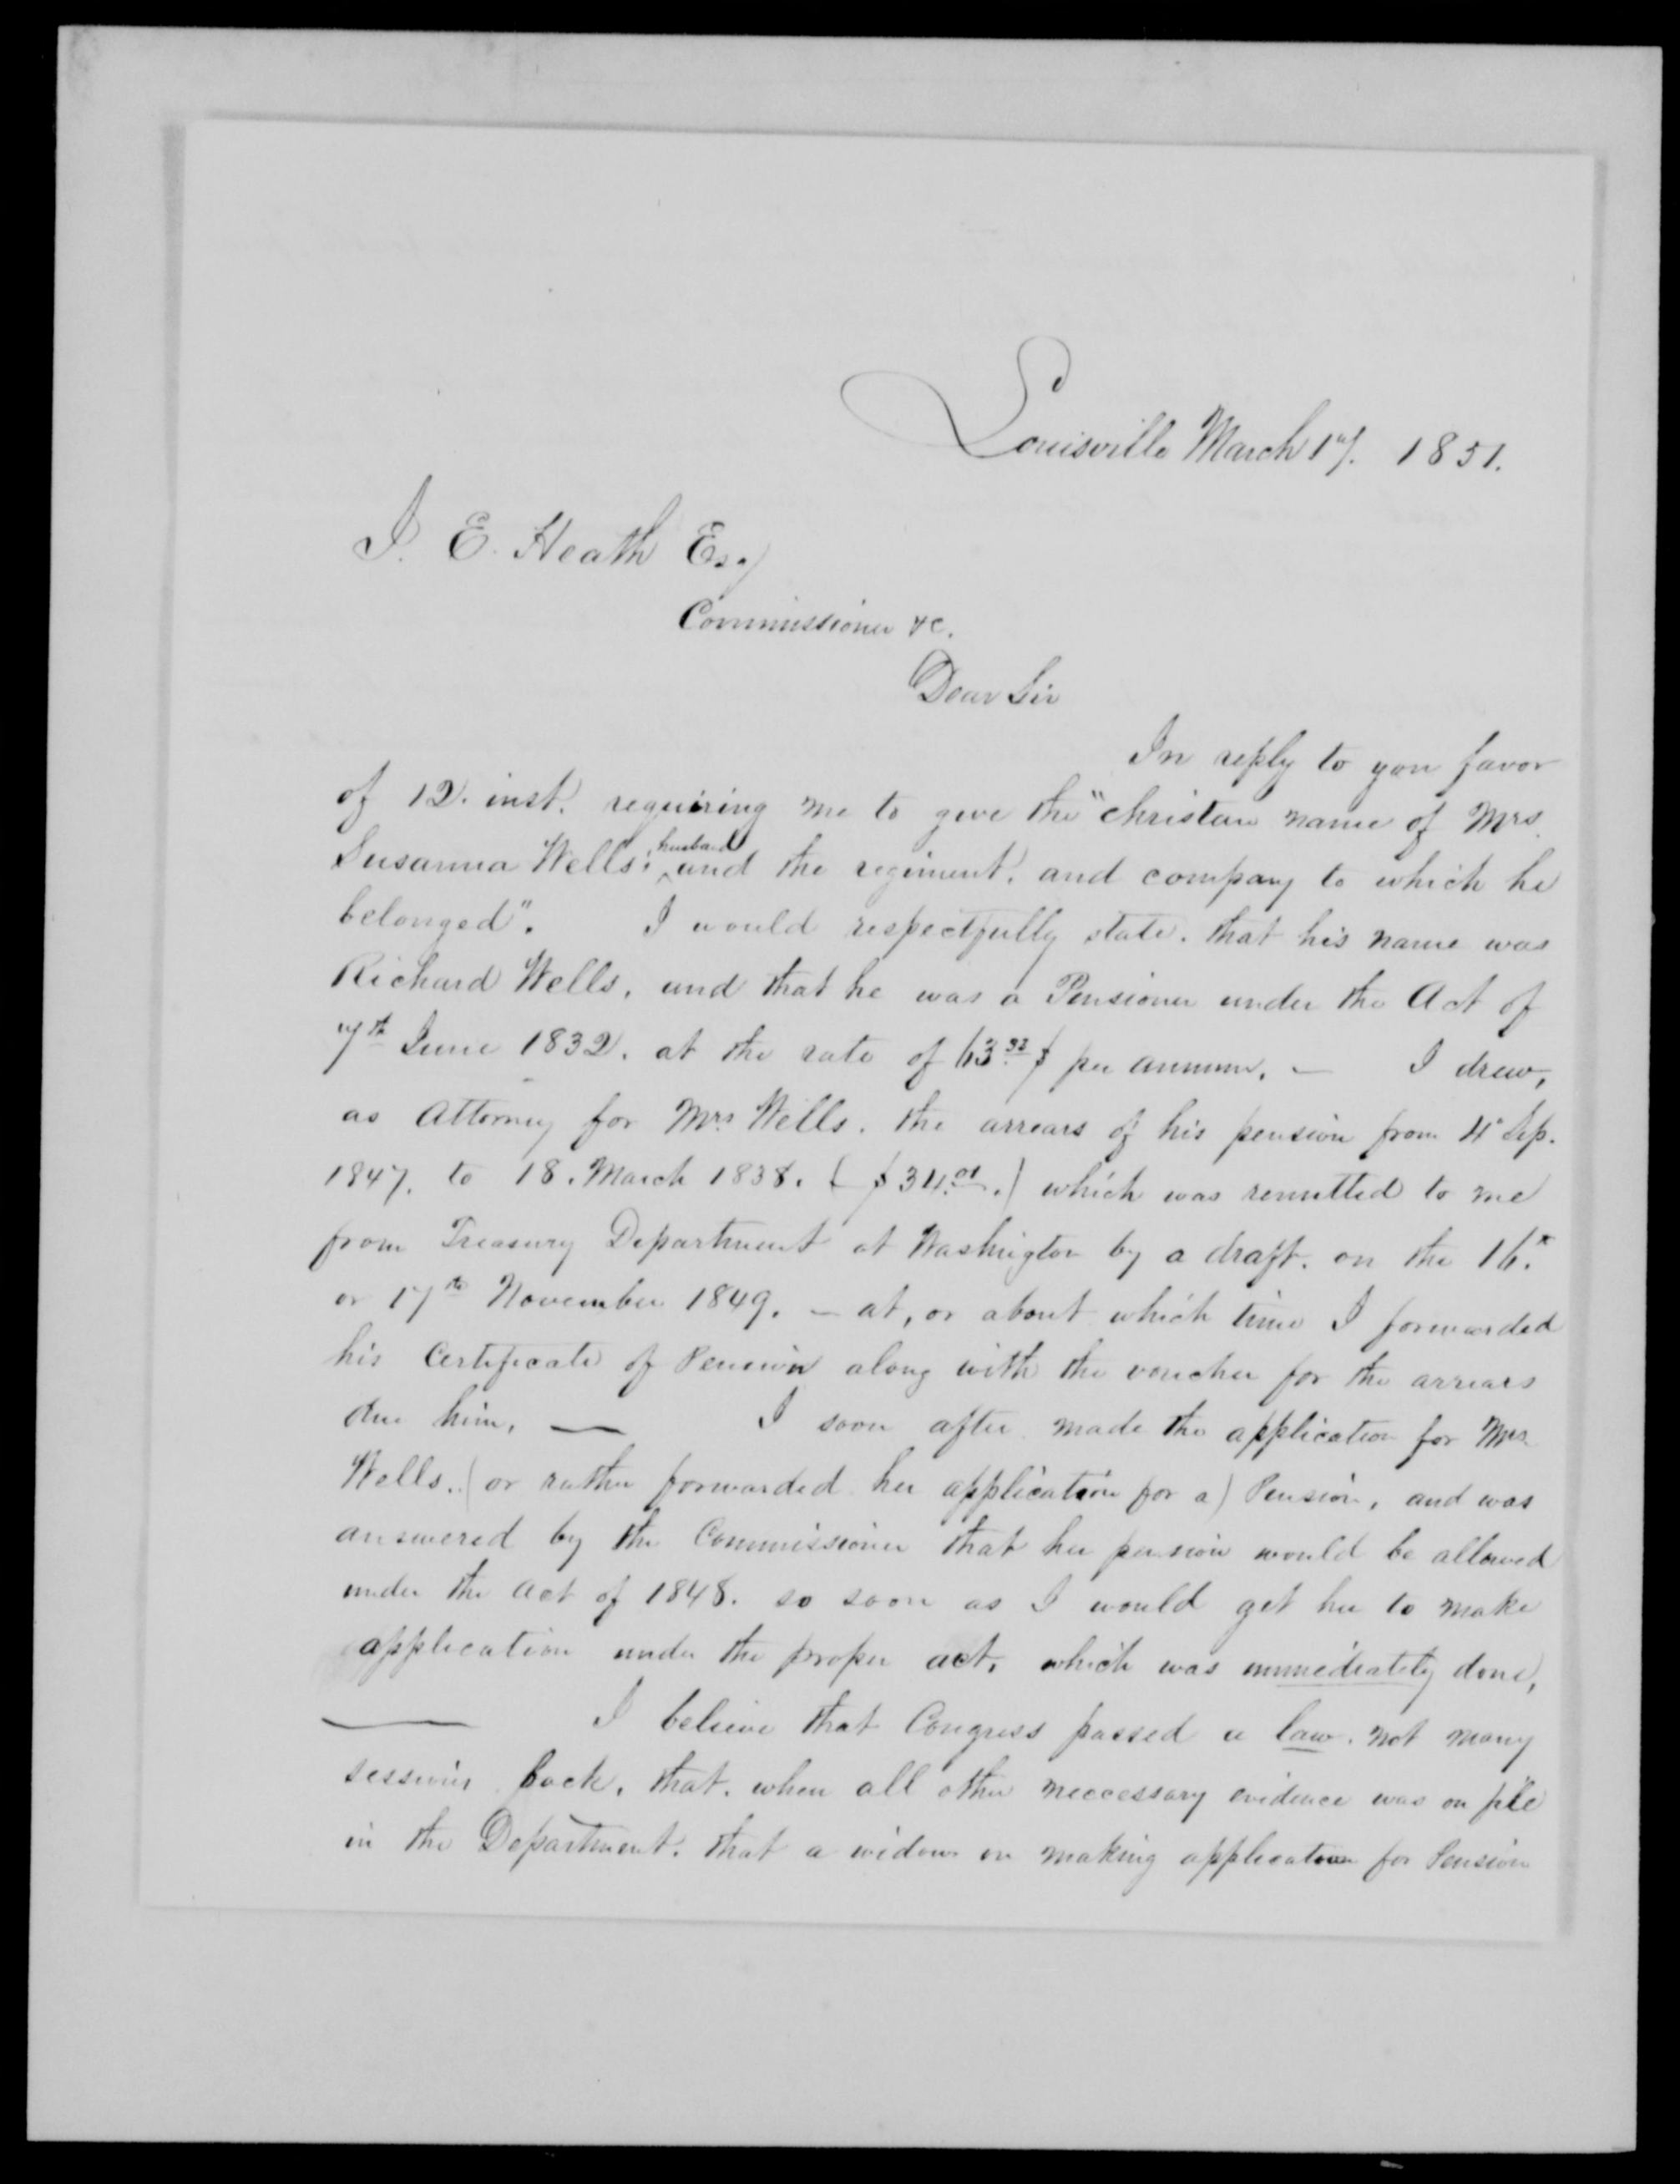Louisville  March 17,1851 J.E. Hear Esq. Commissioner of Pensions Dear Sir  In reply to your favor of 12 inst. requiring me to give you the "christian name of Mrs. Susanna Well's husband and the regiment and company to which he belonged." I would respectfully state that his name was Richard Wells, and that he was a Pensioner under the Act of 7th June 1832. at the rate of 63.33 $ per annum - I drew as Attorney for Mr. Wells the arrears of his pension  from 4  Sep. 1847 to 18 March 1838 ( $ 34.00 . ) which was remitted to me from Treasury Department at Washington by a draft on the 26th or 17th November 1849 - at , or about which time I forwarded his Certificate of Pension along with the voucher for the arrears due him. - I soon after made the application for Mrs. Wells ( or rather forwarded her application for a ) Pension , and was answered by the Commission that her pension would be allowed under the  act of 1848. so soon as I would get her to make application  under the proper act , which was immediately ( underscored ) done. I believe that Congress passed a law ( underscored ) not many sessions back , that, when all the other necessary evidence was  on file in the Department , that a widow on making application for Pension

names: Susanna Wells, Richard Wells, J E Heath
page: 43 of 100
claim: widow's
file: W. 6437, Richard Wells, Ga Va.